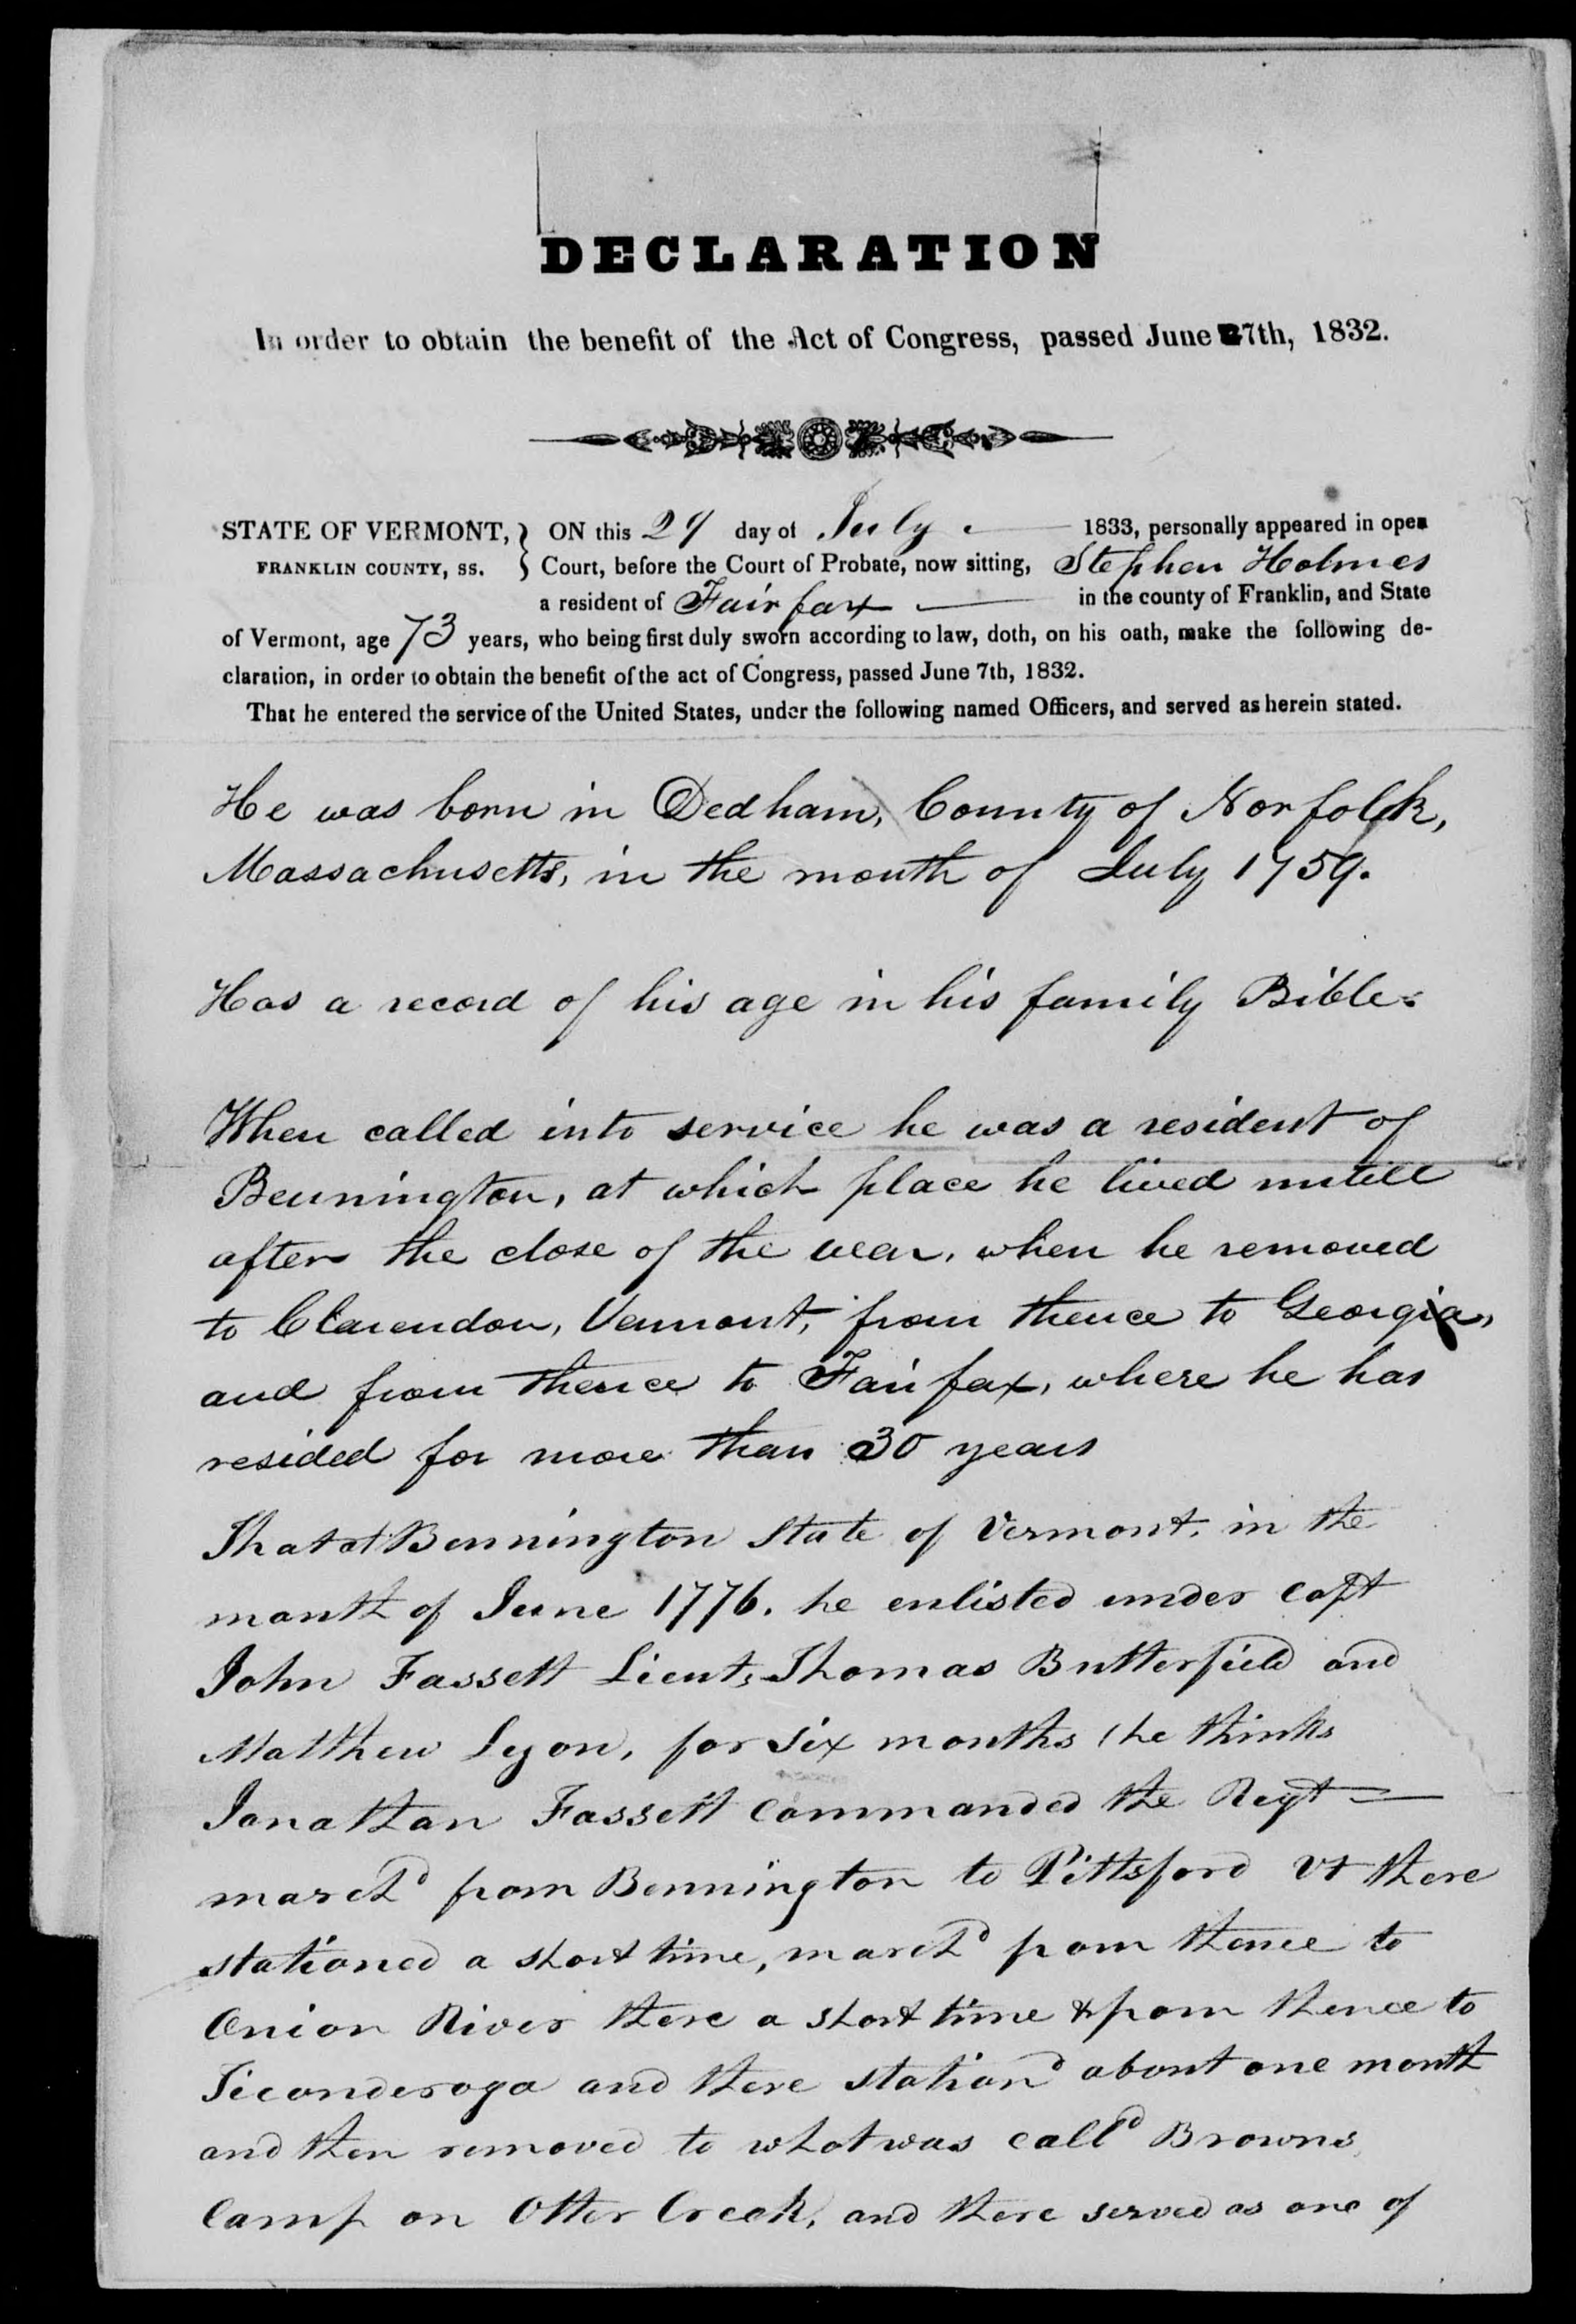DECLARATION

In order to obtain the benefit of the Act of Congress, passed June 7th 1832.

STATE OF VERMONT, FRANKLIN COUNTY, SS. } 
ON this 27 day of July 1833, personally appeared in open Court, before the Court of Probate, now sitting, Stephen Holmes a resident of Fairfax in the county of Franklin, and State of Vermont, age 73 years, who being first duly sworn according to law, doth, on his oath make the following declaration, in order to obtain the benefit of the act of Congress, passed June 7th, 1832.

That he entered the service of the United States, under the following named Officers, and served as herein stated.

He was born in Dedham, County of Norfolk, Massachusetts, in the month of July 1759.

Has a record of his age in his family Bible.

When called into service he was a resident of Bennington, at which place he lived until after the close of the war, when he removed to  Clarendon, Vermont, from there to Georgia, and from there to Fairfax, where he has resided for more than 30 years.

That at Bennington State of Vermont, in the month of June 1776 he enlisted under Capt John Fassett Lieuts Thomas Butterfield and Matthew Lyon, for six months he thinks Jonathan Fassett commanded the Regt march from Bennington to Pittsford Vt there stationed a short time, marched from thence to Ticonderoga and there stationd about one month and then removed to what was calld Browns Camp on Otter Creek, and there served as one of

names: John Fassett, Jonathan Fassett, Thomas Butterfield, Matthew Lyon, Stephen Holmes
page: 6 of 72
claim: widow's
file: W. 7771, Stephen Holmes, Vt.